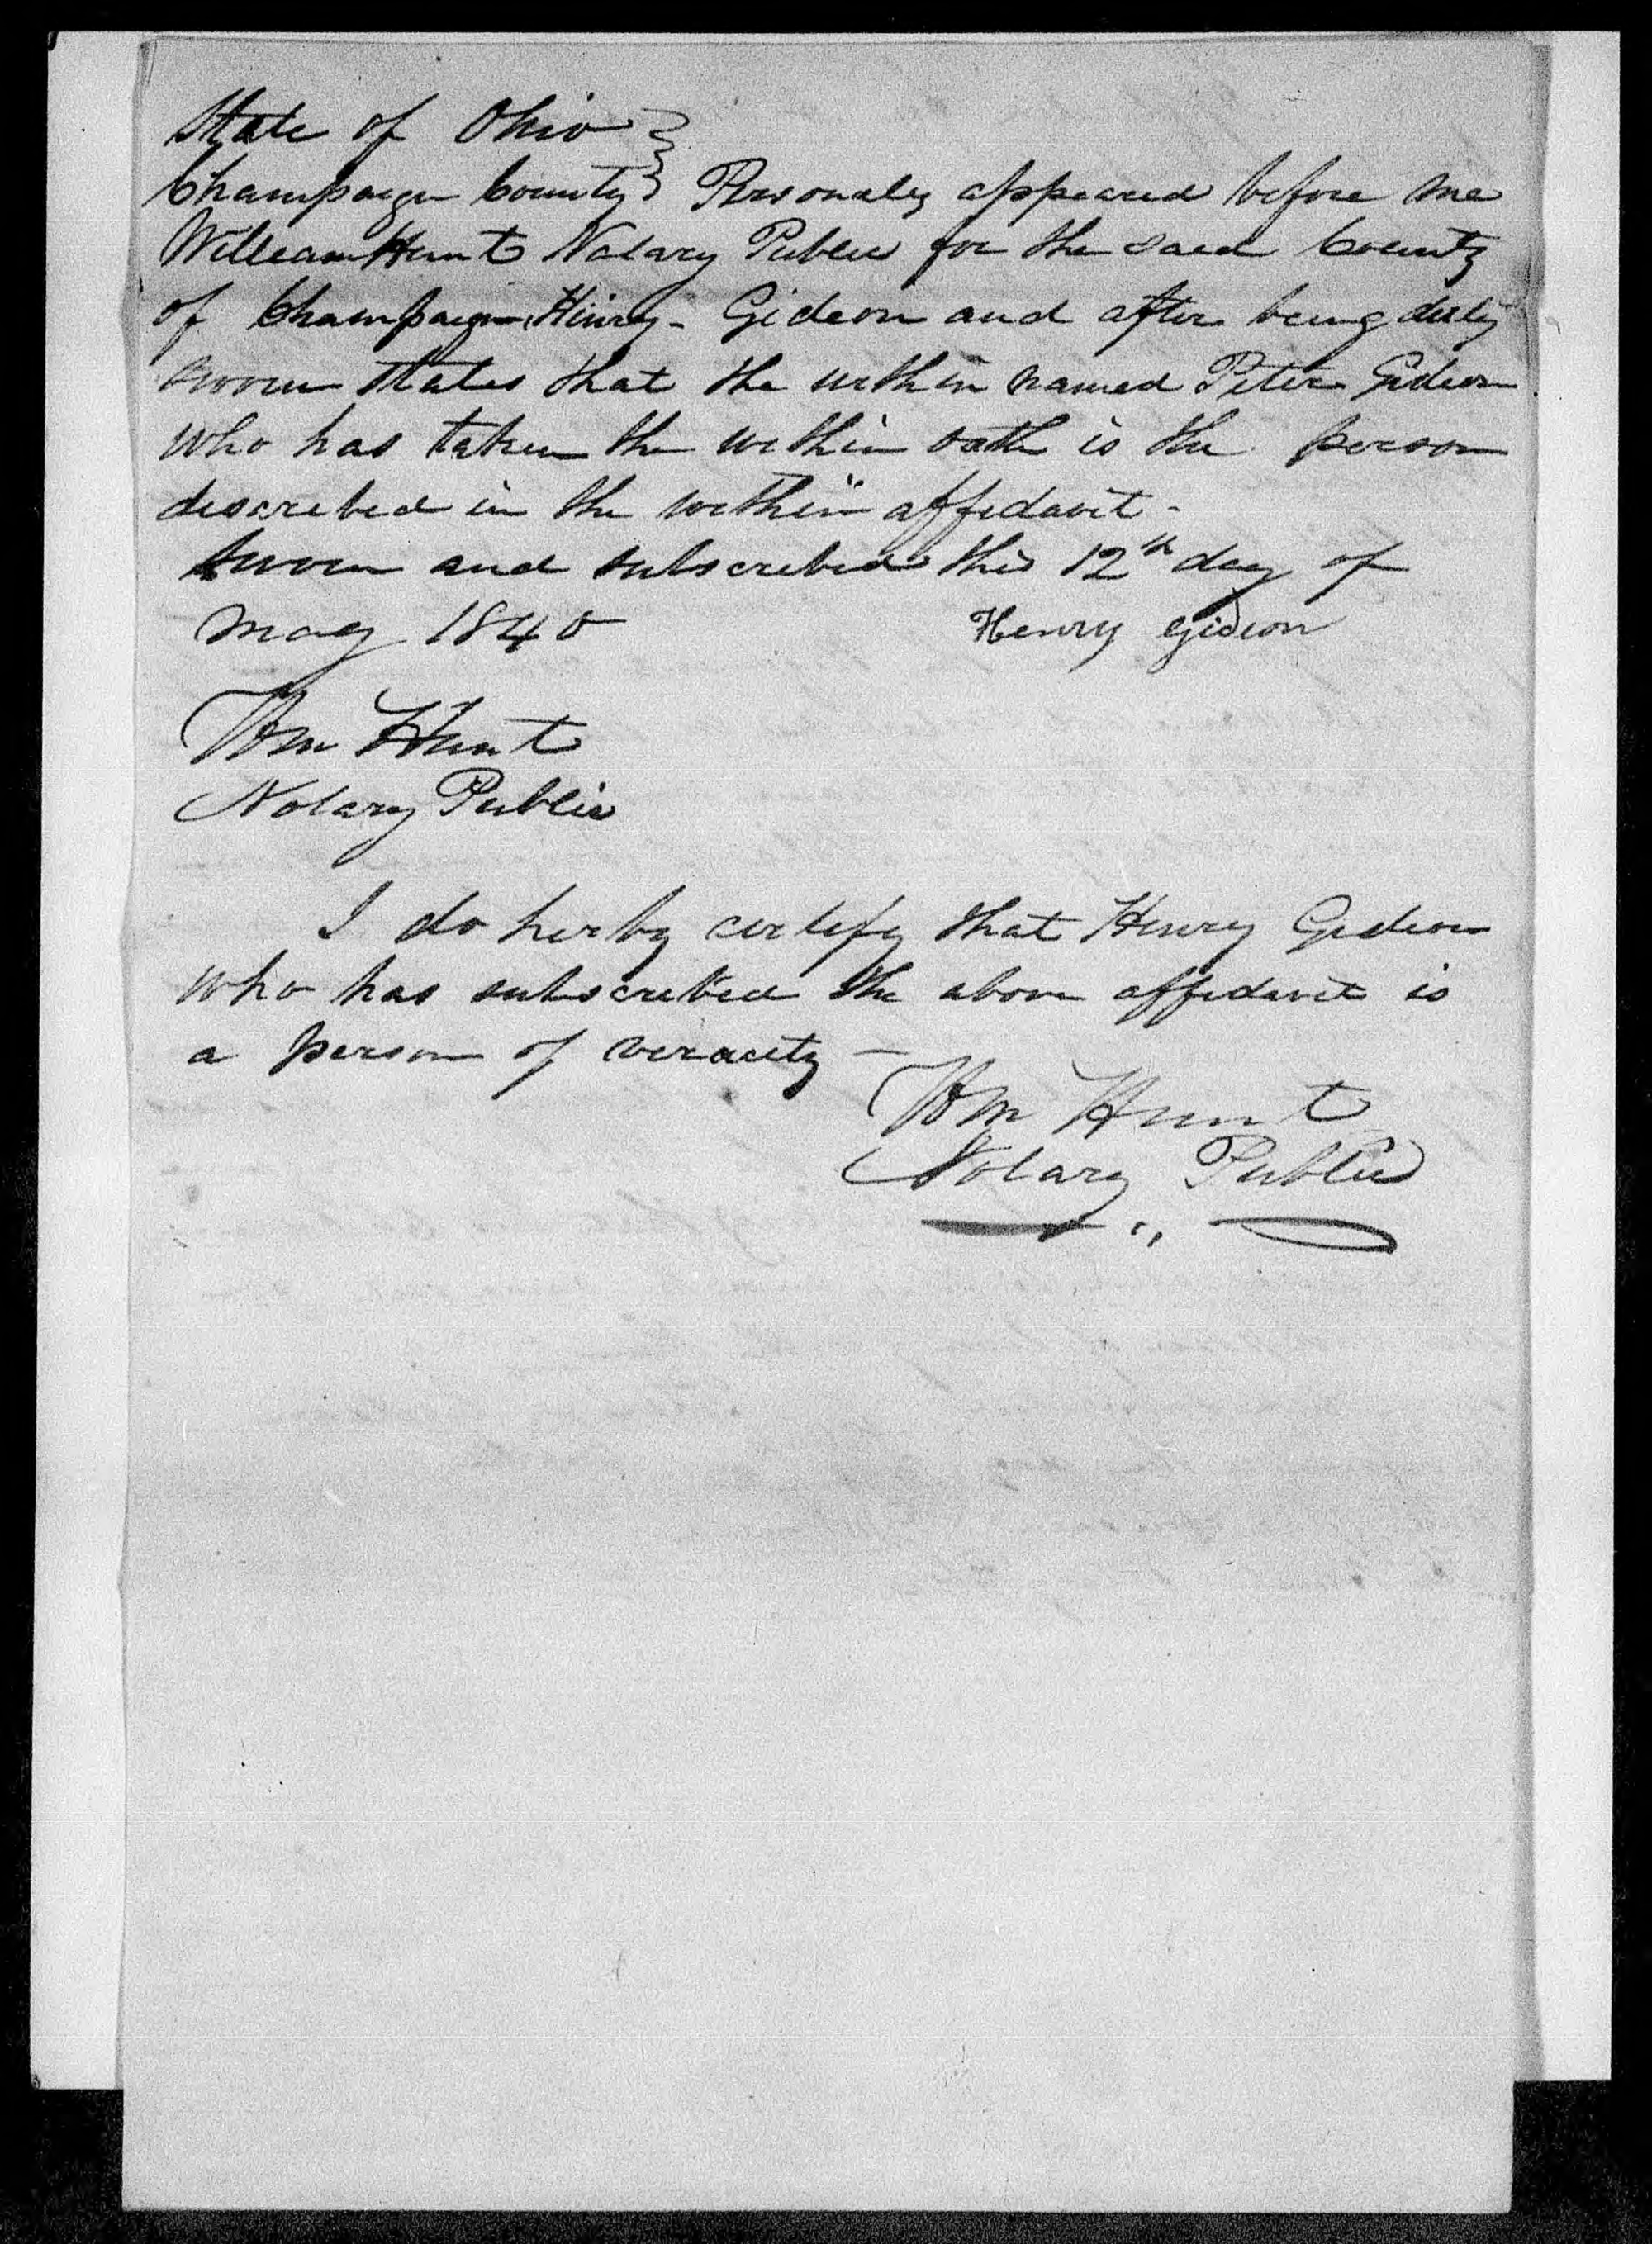State of Ohio
Champaign County ⎬ 

Personaly appeared before me
William Hunt Notary Public for the said County
of Champagn,  Henry Gideon and after being duly sworn states that the within named Peter Gideon who has taken the within oath is the person described in the within affidavit

Sworn and subscribed this 12th day of
May 1840

Henry Gidion

Ann Hunt
Notary Public
I do hereby certify that Henry Gideon
who has subscribed the above affidavit is a person
of veracity
---
John Hunt
Notary Public
28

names: William Hunt, Peter Gideon, Henry Gideon, Henry Gideon, Henry Gideon, Wm Hunt, Wm Hunt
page: 31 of 64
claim: survivor's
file: S. 6887, Peter Gideon, Md.